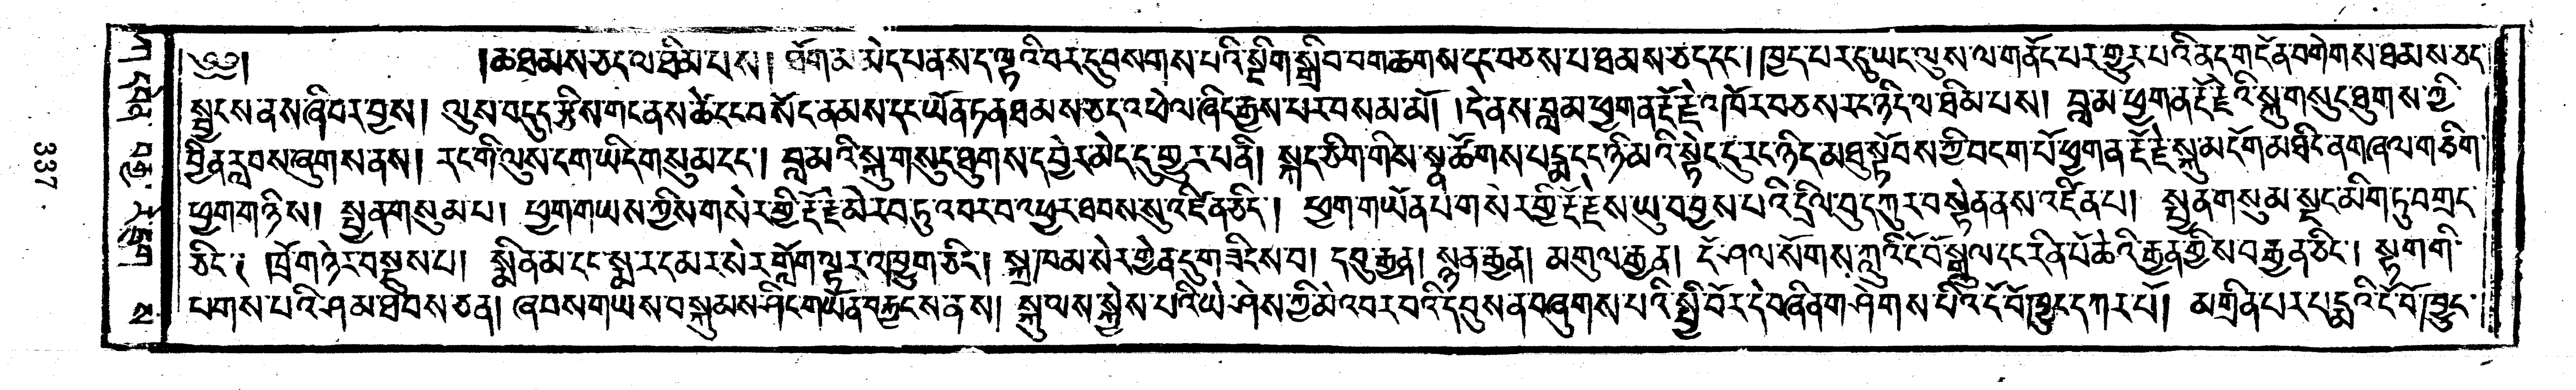༄༅། །ཆ་ཐམས་ཅད་ལ་ཐིམ་པས། ཐོག་མ་མེད་པ་ནས་ད་ལྟའི་བར་དུ་བསགས་པའི་སྡིག་སྒྲིབ་བག་ཆགས་དང་བཅས་པ་ཐམས་ཅད་དང་། ཁྱད་པར་དུ་ཡང་ལུས་ལ་གནོང་པར་གྱུར་པའི་ནད་གདོན་བགེགས་ཐམས་ཅད་
སྦྱངས་ནས་ཞི་བར་བྱས། ལུས་བདུད་རྩིས་གང་ནས་ཚེ་དང་བསོད་ནམས་དང་ཡོན་ཏན་ཐམས་ཅད་འཕེལ་ཞིང་རྒྱས་པར་བསམ་མོ། །དེ་ནས་བླ་མ་ཕྱག་ན་རྡོ་རྗེ་འཁོར་བཅས་རང་ཉིད་ལ་ཐིམ་པས། བླ་མ་ཕྱག་ན་རྡོ་རྗེའི་སྐུ་གསུང་ཐུགས་ཀྱི་
བྱིན་རླབས་ཞུགས་ནས། རང་གི་ལུས་ངག་ཡིད་གསུམ་དང་། བླ་མའི་སྐུ་གསུང་ཐུགས་དབྱེར་མེད་དུ་གྱུར་པ་ནི། སྐད་ཅིག་གིས་སྣ་ཚོགས་པདམ་དང་ཉི་མའི་སྟེང་དུ་རང་ཉིད་མཐུ་སྟོབས་ཀྱི་བདག་པོ་ཕྱག་ན་རྡོ་རྗེ་སྐུ་མདོག་མཐིང་ན་གཞལ་གཅིག་
ཕྱག་གཉིས། སྤྱན་གསུམ་པ། ཕྱག་གཡས་ཀྱིས་གསེར་གྱི་རྡོ་རྗེ་མེ་རབ་ཏུ་འབར་བ་འཕྱར་ཐབས་སུ་འཛིན་ཅིང་། ཕྱག་གཡོན་པ་གསེར་གྱི་རྡོ་རྗེས་ཡུ་བ་བྱས་པའི་དྲིལ་བུ་དཀུར་བསྟེན་ནས་འཛིན་པ། སྤྱན་གསུམ་སྡང་མིག་ཏུ་བགྲང་
ཅིང༑ ཁྲོ་གཉེར་བསྡུས་པ། སྨིན་མ་དང་སྨ་ར་དམར་སེར་གློག་ལྟར་འཁྱུག་ཅིང་། སྐྲ་ཁམ་སེར་གྱེན་དུ་གཟིངས་བ། དབུ་རྒྱན། སྙན་རྒྱན། མགུལ་རྒྱན། དོ་ཤལ་སོགས་ཀླུའི་ངོ་བོ་སྒྲུལ་དང་རིན་པོ་ཆེའི་རྒྱན་གྱིས་བརྒྱན་ཅིང་། སྟག་གི་
པགས་པའི་ཤམ་ཐབས་ཅན། ཞབས་གཡས་བསྐུམས་ཤིང་གཡོན་བརྐྱངས་ནས། སྐུ་ལས་སྐྱེས་པའི་ཡེ་ཤེས་ཀྱི་མེ་འབར་བའི་དབུས་ན་བཞུགས་པའི་སྤྱི་བོར་དེ་བཞིན་གཤེགས་པའི་ངོ་བོ་ཁྱུང་དཀར་པོ། མགྲིན་པར་པདམའི་ངོ་བོ་ཁྱུང་